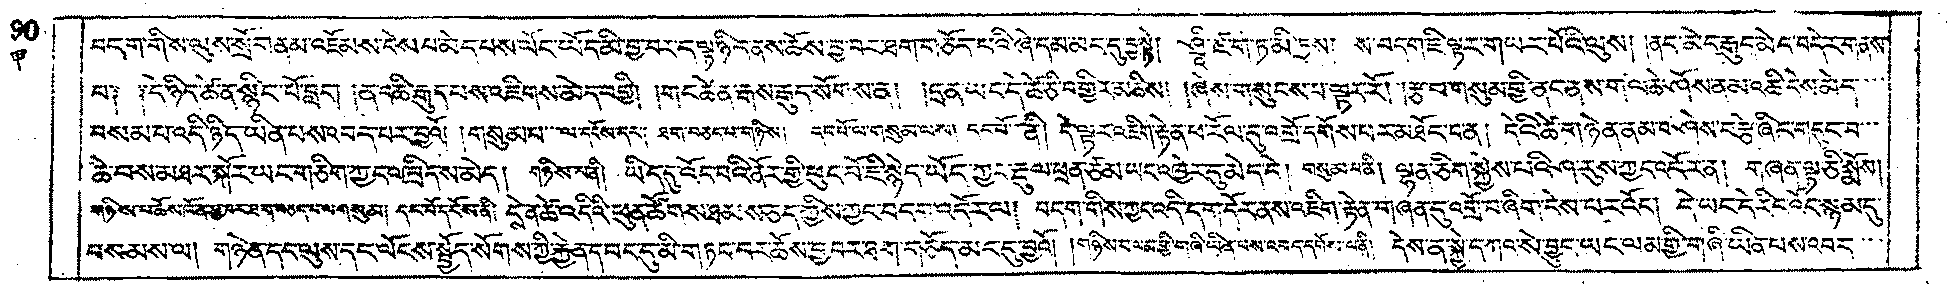བདག་གིས་ལུས་སྲོག་ནམ་འཇོམས་ངེས་པ་མེད་པས་ལོང་ཡོད་མི་བྱ་བར་ད་ལྟ་ཉིད་ནས་ཆོས་བྱ་བར་ཐག་གཅོད་པའི་ཞེ་དམ་མང་དུ་བྱ་སྟེ། ཤྲཱི་ཛ་ག་ཏ་མི་ཏྲས། ས་བདག་ཇི་ལྟར་གཡར་པོའི་ལུས། །ནད་མེད་རྒུད་མེད་བདེར་གནས་
པ༑ ༑དེ་ཉིད་ཚེ་ན་སྙིང་པོ་བླང་། །ན་འཆི་རྒུད་པས་འཇིགས་མེད་བགྱི། །གང་ཚེ་ན་རྒས་རྒུད་སོགས་ན། །དྲན་ཡང་དེ་ཚེ་ཅི་བགྱིར་མཆིས། །ཞེས་གསུངས་པ་ལྟར་རོ། །རྩ་བ་གསུམ་གྱི་ནང་ནས་གལ་ཆེ་ཤོས་ནམ་འཆི་ངེས་མེད་
བསམ་པ་འདི་ཉིད་ཡིན་པས་འབད་པར་བྱའོ། །གསུམ་པལ་དངོས་དང་། ཐག་བཅད་པ་གཉིས། དང་པོ་ལ་གསུམ་ལས། དང་པོནི། དེ་ལྟར་འཇིག་རྟེན་ཕ་རོལ་དུ་འགྲོ་དགོས་པར་མཐོང་བ་ན། དེའི་ཚེ་གཉེན་ནམ་བཤེས་བརྩེ་ཞིང་གདུང་བ་
ཆེ་བས་མཐར་སྐོར་ཡང་གཅིག་ཀྱང་འཁྲིད་ས་མེད། གཉིས་པ་ནི།  ཡིད་དུ་འོང་བའི་ནོར་གྱི་ཕུང་བོ་ཇི་སྙེད་ཡོད་ཀྱང་རྡུལ་ཕྲན་ཙམ་ཡང་འཁྱེར་དུ་མེད་དེ། གསུམ་པ་ནི།  ལྷན་ཅིག་སྐྱེས་པའི་ཤ་རུས་ཀྱང་འདོར་ན། གཞན་ལྟ་ཅི་སྨོས།
གཉིས་པ་ཆོས་ཁོ་ན་སྐྱ་བར་ཐག་བཅད་པ་ལ་གསུམ། དང་པོ་དངོས་ནི།  དེས་ན་ཚེ་འདིའི་ཕུན་ཚོགས་ཐམས་ཅད་ཀྱིས་ཀྱང་བདག་འདོར་ལ། བདག་གིས་ཀྱང་འདི་དག་དོར་ནས་འཇིག་རྟེན་གཞན་དུ་འགྲོ་བ་ཞིག་ངེས་པར་འོང་། དེ་ཡང་དེ་རིང་འོང་སྙམ་དུ་
བསམས་ལ། གཉེན་དང་ལུས་དང་ལོངས་སྤྱོད་སོགས་ཀྱི་རྐྱེན་དབང་དུ་མི་གཏང་བར་ཆོས་བྱ་བར་ཐག་གཅོད་མང་དུ་བྱའོ། །གཉིས་པ་ལམ་གྱི་གཞི་ཡིན་པས་འབད་དགོས་པ་ནི།  དེས་ན་སྐྱེ་དཀའ་སེ་བྱུང་ཡང་ལམ་གྱི་གཞི་ཡིན་པས་འབད་